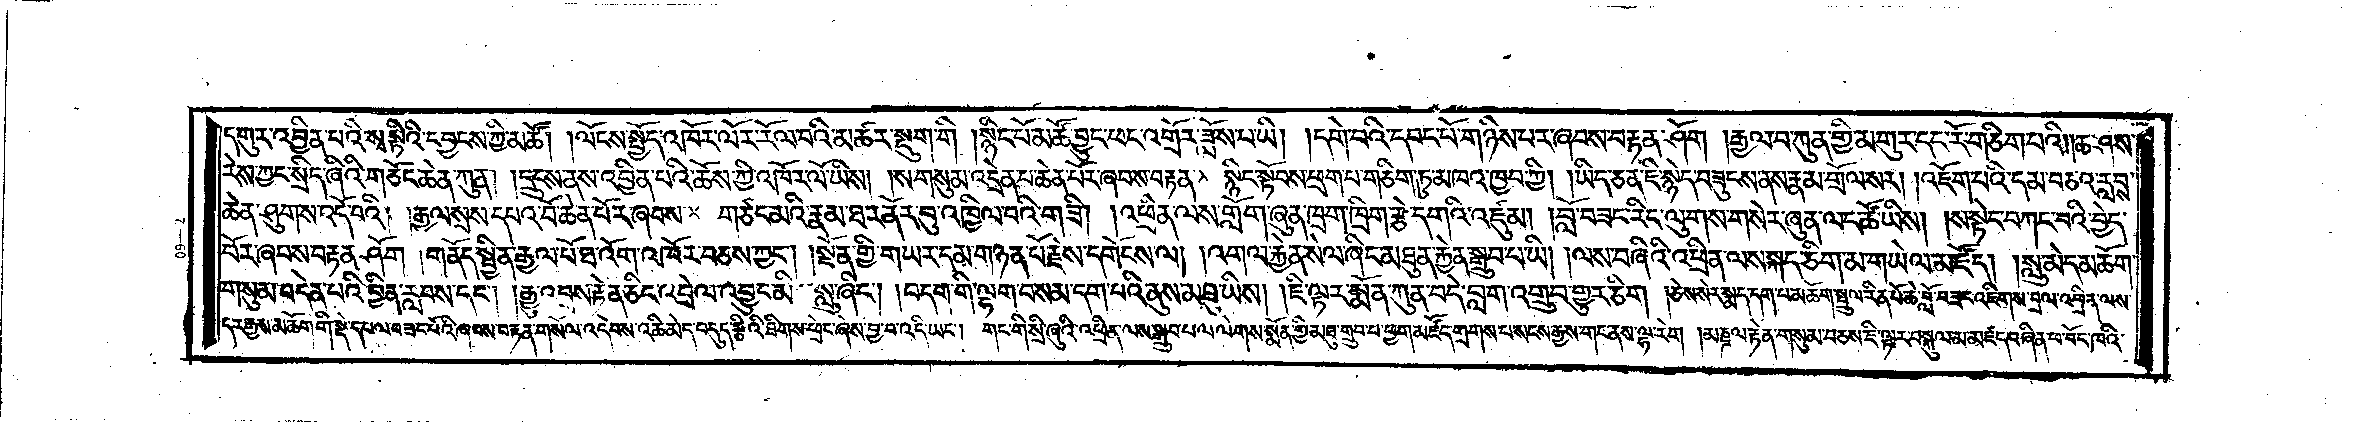དགུར་འབྱིན་པའི་སྭ་སྟིའི་དབྱངས་ཀྱི་མཚོ། །ལོངས་སྤྱོད་འཁོར་ལོར་རོལ་བའི་མཚར་སྡུག་གི །སྙིང་པོ་མཚོ་བྱུང་ཕང་འགྲོར་ཟློས་པ་ཡི། །དགེ་བའི་དཔའ་བོ་གཉིས་པར་ཞབས་བརྟན་ཤོག །རྒྱལ་བ་ཀུན་གྱི་མགུར་དང་རོ་གཅིག་པའི། །ཆ་ཤས་
རེས་ཀྱང་སྲིད་ཞིའི་གཙོད་ཆེན་ཀུན། །དྲུང་ནས་འབྱིན་པའི་ཆོས་ཀྱི་འཁོར་ལོ་ཡིས། །ས་གསུམ་འདྲེན་པ་ཆེན་པོར་ཞབས་བརྟན་྾་སྙིང་སྟོབས་ཕྲག་པ་གཅིག་ཏུ་མཁའ་ཁྱབ་ཀྱི། །ཡིད་ཅན་ཇི་སྙེད་བཟུངས་ནས་རྣམ་གྲོལ་སར། །འཇོག་པའི་དམ་བཅའ་རླབས་
ཆེན་ཤུགས་བདོ་བའི། །རྒྱལ་སྲས་དཔའ་པོ་ཆེན་པོར་ཞབས་྾་གཙང་མའི་རྣམ་ཐར་ནོར་བུ་འཁྱིལ་བའི་གཟི། །འཕྲིན་ལས་གློག་ཞུན་ཁྲག་ཁྲིག་རྩེ་དགའི་འཛུམ། །བློ་བཟང་རིང་ལུགས་གསེར་ཞུན་ལང་ཚོ་ཡིས། །ས་སྟེབ་བཀང་བའི་བྱེད་
པོར་ཞབས་བརྟན་ཤོག །གནོད་སྦྱིན་རྒྱལ་པོ་ཐ་འོག་འཁོར་བཅས་ཀྱང་། །སྔོན་གྱི་གཡར་དམ་གཉན་པོ་རྗེས་དགོངས་ལ། །འགལ་རྐྱེན་སེལ་ཞིང་མཐུན་རྐྱེན་སྒྲུབ་པ་ཡི། །ལས་བཞིའི་འཕྲིན་ལས་སྐད་ཅིག་མ་གཡེལ་མཛོད། །སླུ་མེད་མཆོག་
གསུམ་བདེན་པའི་བྱིན་རླབས་དང་། །རྒྱུ་འབྲས་རྟེན་ཅིང་འབྲེལ་འབྱུང་མི་སླུ་ཞིང་། །བདག་གི་ལྷག་བསམ་དག་པའི་ནུས་མཐུ་ཡིས། །ཇི་ལྟར་སྨོན་ཀུན་བདེ་བླག་འགྲུབ་གྱུར་ཅིག །ཅེས་སེར་སྨད་དག་པ་མཆོག་སྤྲུལ་རིན་པོ་ཆེ་བློ་བཟང་འཇིགས་བྲལ་འཕྲིན་ལས་
དར་རྒྱས་མཆོག་གི་སྡེ་དཔལ་བཟང་པོའི་ཞབས་བརྟན་གསོལ་འདེབས་འཆི་མེད་བདུད་རྩིའི་ཐིགས་ཕྲེང་ཞེས་བྱ་བ་འདི་ཡང་། །གང་གི་སྲི་ཞུའི་འཕྲིན་ལས་སྒྲུབ་པ་ལ་ལེགས་སྨོན་གྱི་མཐུ་གྲུབ་པ་ཕྱག་མཛོད་གྲགས་པ་སངས་རྒྱས་གང་ནས་ལྷ་རེག །མཎྜལ་རྟེན་གསུམ་བཅས་ཇི་ལྟར་བསྐུལ་མ་མཛད་བཞིན་ཕ་བོང་ཁའ་